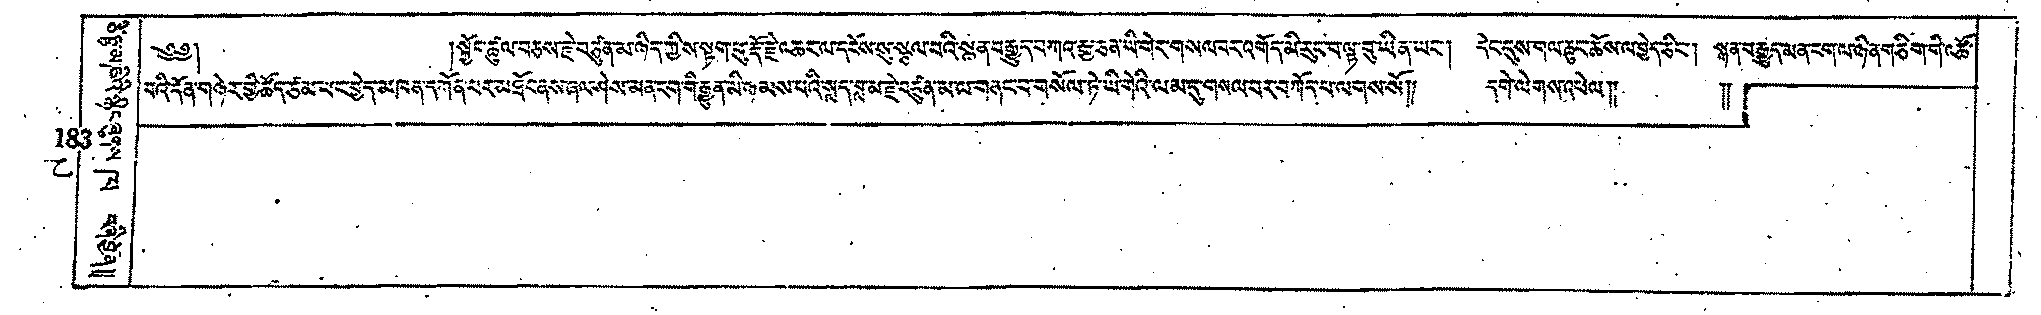༄༅། །སྐྱོང་ཚུལ་བཅས་རྗེ་བཙུན་མ་ཉིད་ཀྱིས་སྟག་ཕུ་རྡོ་རྗེ་འཆང་ལ་དངོས་སུ་སྩལ་བའི་སྙན་བརྒྱུད་བཀའ་རྒྱ་ཅན་ཡི་གེར་གསལ་བར་འགོད་མི་རུང་བ་ལྟ་བུ་ཡིན་ཡང་། དེང་དུས་གལ་ཆུང་ཆོས་ལ་བྱེད་ཅིང་། སྙན་བརྒྱུད་མན་ངག་ལ་ཉིན་གཅིག་གི་འཚོ་
བའི་དོན་གཉེར་གྱི་ཚོད་ཙམ་ཡང་བྱེད་མཁན་དཀོན་པར་མཐོང་ནས་ཞལ་ཤེས་མན་ངག་གི་རྒྱུན་མི་ཉམས་པའི་སླད་བླ་མ་རྗེ་བཙུན་མ་ལ་གནང་བ་གསོལ་ཏེ་ཡི་གེའི་ལམ་དུ་གསལ་བར་བཀོད་པ་ལགས་སོ།། དགེ་ལེགས་འཕེལ།། །།